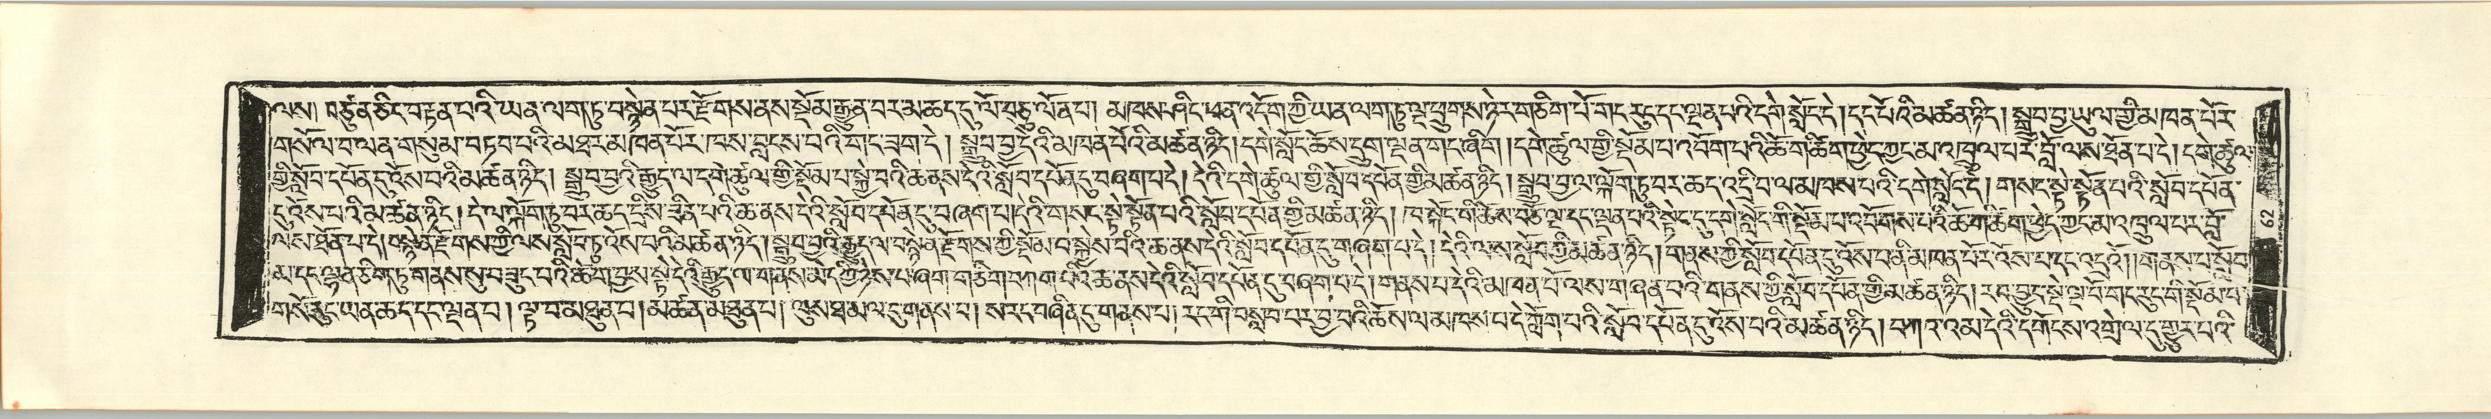ལས། བཙུན་ཅིང་བརྟན་པའི་ཡན་ལག་ཏུ་བསྙེན་པར་རྫོགས་ནས་སྡོམ་རྒྱུན་བར་མཆད་དུ་ལོ་བཅུ་ལོན་པ། མཁས་ཤིང་ཕན་འདོག་ཀྱི་ཡན་ལག་ཏུ་ལྔ་ཕྲུགས་ཉེར་གཅིག་པོ་གང་རུང་དང་ལྡན་པའི་དགེ་སློང་དེ། དང་པོའི་མཚན་ཉིད། སྒྲུབ་བྱ་ཡུལ་གྱི་མཁན་པོར་
གསོལ་བ་ལན་གསུམ་བཏབ་པའི་མཐར་མཁན་པོར་ཁས་བླངས་པའི་གང་ཟག་དེ། སྒྲུབ་བྱ་དེའི་མཁན་པོའི་མཚན་ཉིད། དགེ་སློང་ཆོས་དྲུག་ལྡན་གང་ཞིག །དགེ་སློང་ཆོས་དྲུག་ལྡན་གང་ཞིག །དགེ་ཚུལ་གྱི་སྡོམ་པ་འབོག་པའི་ཆོ་ག་ཚིག་ཕྱེད་ཀྱང་མ་འཁྲུལ་པར་བློ་ལས་ཐོན་པ་དེ། དགེ་ཚུལ་
གྱི་སློབ་དཔོན་དུ་འོས་པའི་མཚན་ཉིད། སྒྲུབ་བྱའི་རྒྱུད་ལ་དགེ་ཚུལ་གྱི་སྡོམ་པ་སྐྱེ་བའི་ཆ་ནས་དེའི་སློབ་དཔོན་དུ་བཞག་པ་དེ། དེའི་དགེ་ཚུལ་གྱི་སློབ་དཔོན་གྱི་མཚན་ཉིད། སྒྲུབ་བྱ་ལ་ལྐོག་ཏུ་བར་ཆད་འདྲི་བ་ལ་མཁས་པའི་དགེ་སློང་དེ། གསང་སྟེ་སྟོན་པའི་སློབ་དཔོན་
དུ་འོས་པའི་མཚན་ཉིད། དེ་ལ་ལྐོག་ཏུ་བར་ཆད་དྲིས་ཟིན་པའི་ཆ་ནས་དེའི་སློབ་དཔོན་དུ་བཞག་པ། དེའི་གསང་སྟེ་སྟོན་པའི་སློབ་དཔོན་གྱི་མཚན་ཉིད། ཁ་སྐོང་གི་ཆོས་བཅོ་ལྔ་དང་ལྡན་པའི་སྟེང་དུ་དགེ་སློང་གི་སྡོམ་པ་འབོགས་པའི་ཆོ་ག་ཚིག་ཕྱེད་ཀྱང་མ་འཁྲུལ་པར་བློ་
ལས་ཐོན་པ་དེ། བསྙེན་རྫོགས་ཀྱི་ལས་སློབ་ཏུ་འོས་པའི་མཚན་ཉིད། སྒྲུབ་བྱའི་རྒྱུད་ལ་བསྙེན་རྫོགས་ཀྱི་སྡོམ་བ་སྐྱེས་བའི་ཆ་ནས་དེའི་སློབ་དཔོན་དུ་གཞག་པ་དེ། དེའི་ལས་སློབ་ཀྱི་མཚན་ཉིད། གནས་ཀྱི་སློབ་དཔོན་དུ་འོས་པ་ནི་མཁན་པོར་འོས་པ་དང་འདྲའོ། །གནས་པ་སློབ་
མ་དང་ལྷན་ཅིག་ཏུ་གནས་སུ་བཟུང་པའི་ཆོ་ག་བྱས་སྟེ་དེའི་རྒྱུད་ལ་གནས་མེད་ཀྱི་ཉེས་པ་ཞག་གཅིག་བཀག་པའི་ཆ་ནས་དེའི་སློབ་དཔོན་དུ་བཞག་པ་དེ། གནས་པ་དེའི་མཁན་པོ་ལས་གཞན་པའི་གནས་ཀྱི་སློབ་དཔོན་གྱི་མཚན་ཉིད། རབ་བྱུང་སྡེ་ལྔ་པོ་གང་རུང་གི་སྡོམ་པ་
གྒྶོ་རུང་ཡན་ཆད་དང་ལྡན་པ། ལྟ་བ་མཐུན་པ། མཚན་མཐུན་པ། ལུས་ཐ་མལ་དུ་གནས་པ། ས་རང་བཞིན་དུ་གནས་པ། རང་གི་བསླབ་པར་བྱ་བའི་ཆོས་ལ་མཁས་པ་དེ་ཀློག་པའི་སློབ་དཔོན་དུ་འོས་པའི་མཚན་ཉིད། བཀའ་འམ་དེའི་དགོངས་འགྲེལ་དུ་གྱུར་པའི་